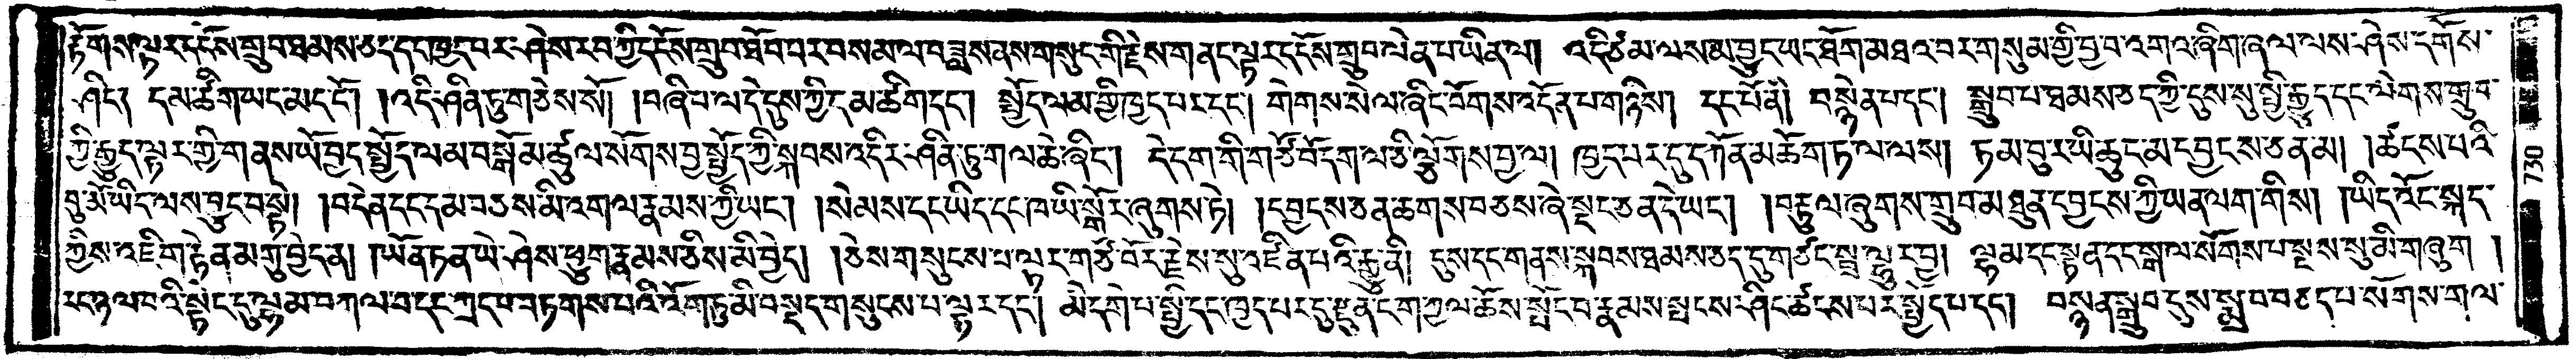རྟོགས་ལྟར་དངོས་གྲུབ་ཐམས་ཅད་དང་ཁྱད་པར་ཤེས་རབ་ཀྱི་དངོས་གྲུབ་ཐོབ་བར་བསམ་ལ་བཟླས་ནས་གསུང་གི་རྗེས་གནང་ལྟར་དངོས་གྲུབ་ལེན་པ་ཡིན་ལ། འདི་ཙམ་ལས་མ་བྱུང་ཡང་ཐོག་མཐའ་བར་གསུམ་གྱི་བྱ་བ་འགའ་ཞིག་ཞལ་ལས་ཤིས་དགོས་
ཤིང༑ དམ་ཚིག་ཡང་མང་ངོ། །འདི་ཤིན་ཏུ་གཅེས་སོ། །བཞི་པ་ལ་དེ་དུས་ཀྱི་དམ་ཚིག་དང་། སྤྱོད་ལམ་གྱི་ཁྱད་པར་དང་། གེགས་སེལ་ཞིང་བོགས་འདོན་པ་གཉིས། དང་པོ་ནི། བསྙེན་པ་དང་། སྒྲུབ་པ་ཐམས་ཅད་ཀྱི་དུས་སུ་སྤྱི་རྒྱུད་དང་ལེགས་གྲུབ་
ཀྱི་རྒྱུད་ལྟར་གྱི་གནས་ཡོ་བྱད་སྤྱོད་ལམ་བསྒོམ་ཚུལ་སོགས་བྱ་སྤྱོད་ཀྱི་སྐབས་འདིར་ཤིན་ཏུ་གལ་ཆེ་ཞིང་། དེ་དག་གི་གཙོ་བོ་དག་ལ་ཅི་ལྕོགས་བྱ་ལ། ཁྱད་པར་དུ་དཀོན་མཆོག་ཏ་ལ་ལས། ཏམ་བུར་ཡི་ཆུང་མ་དབྱངས་ཅན་མ། །ཚངས་པའི་
བུ་མོ་ཡིད་ལས་བྱུང་བ་སྟེ། །བདེན་དང་དམ་བཅས་མི་འགལ་རྣམས་ཀྱི་ཡང་། །སེམས་དང་ཡིད་དང་ཁ་ཡི་སྒོར་ཞུགས་ཏེ། །དབྱངས་ཅན་ཆགས་བཅས་ཞེ་སྡང་ཅན་དེ་ཡང་། །བརྟུལ་ཞུགས་གྲུབ་མཐུན་དབྱང་ཀྱི་ཡན་ལག་གིས། །ཡིད་འོང་སྐད་
ཀྱིས་འཇིག་རྟེན་མགུ་བྱེད་ན། །ཡོན་ཏན་ཡེ་ཤེས་ཕྱུག་རྣམས་ཅིས་མི་བྱེད། །ཅེས་གསུངས་པ་ལྟར་གཙོ་བོར་རྗེས་སུ་འཛིན་པའི་རྒྱུ་ནི། དུས་དང་གནས་སྐབས་ཐམས་ཅད་དུ་གཙང་སྦྲ་ལྷུར་བྱ། ལྷམ་དང་སྟན་དང་སྒ་ལ་སོགས་པ་སྔས་སུ་མི་གཞུག།
རང་ཉལ་བའི་སྟེང་དུ་ལྷམ་བཀལ་བ་དང་གྲད་པ་གཏགས་པའི་འོག་ཏུ་མི་བསྡད་གསུངས་པ་ལྟར་དང་། མི་དགེ་བ་སྤྱི་དང་ཁྱད་པར་དུ་རྫུན་ངག་ཀྱ་ལ་ཆོས་སྤོང་བ་རྣམས་སྤངས་ཤིང་ཚངས་པར་སྤྱོད་པ་དང་། བསྙན་སྒྲུབ་དུས་སྨྲ་བ་བཅད་པ་སོགས་གལ་